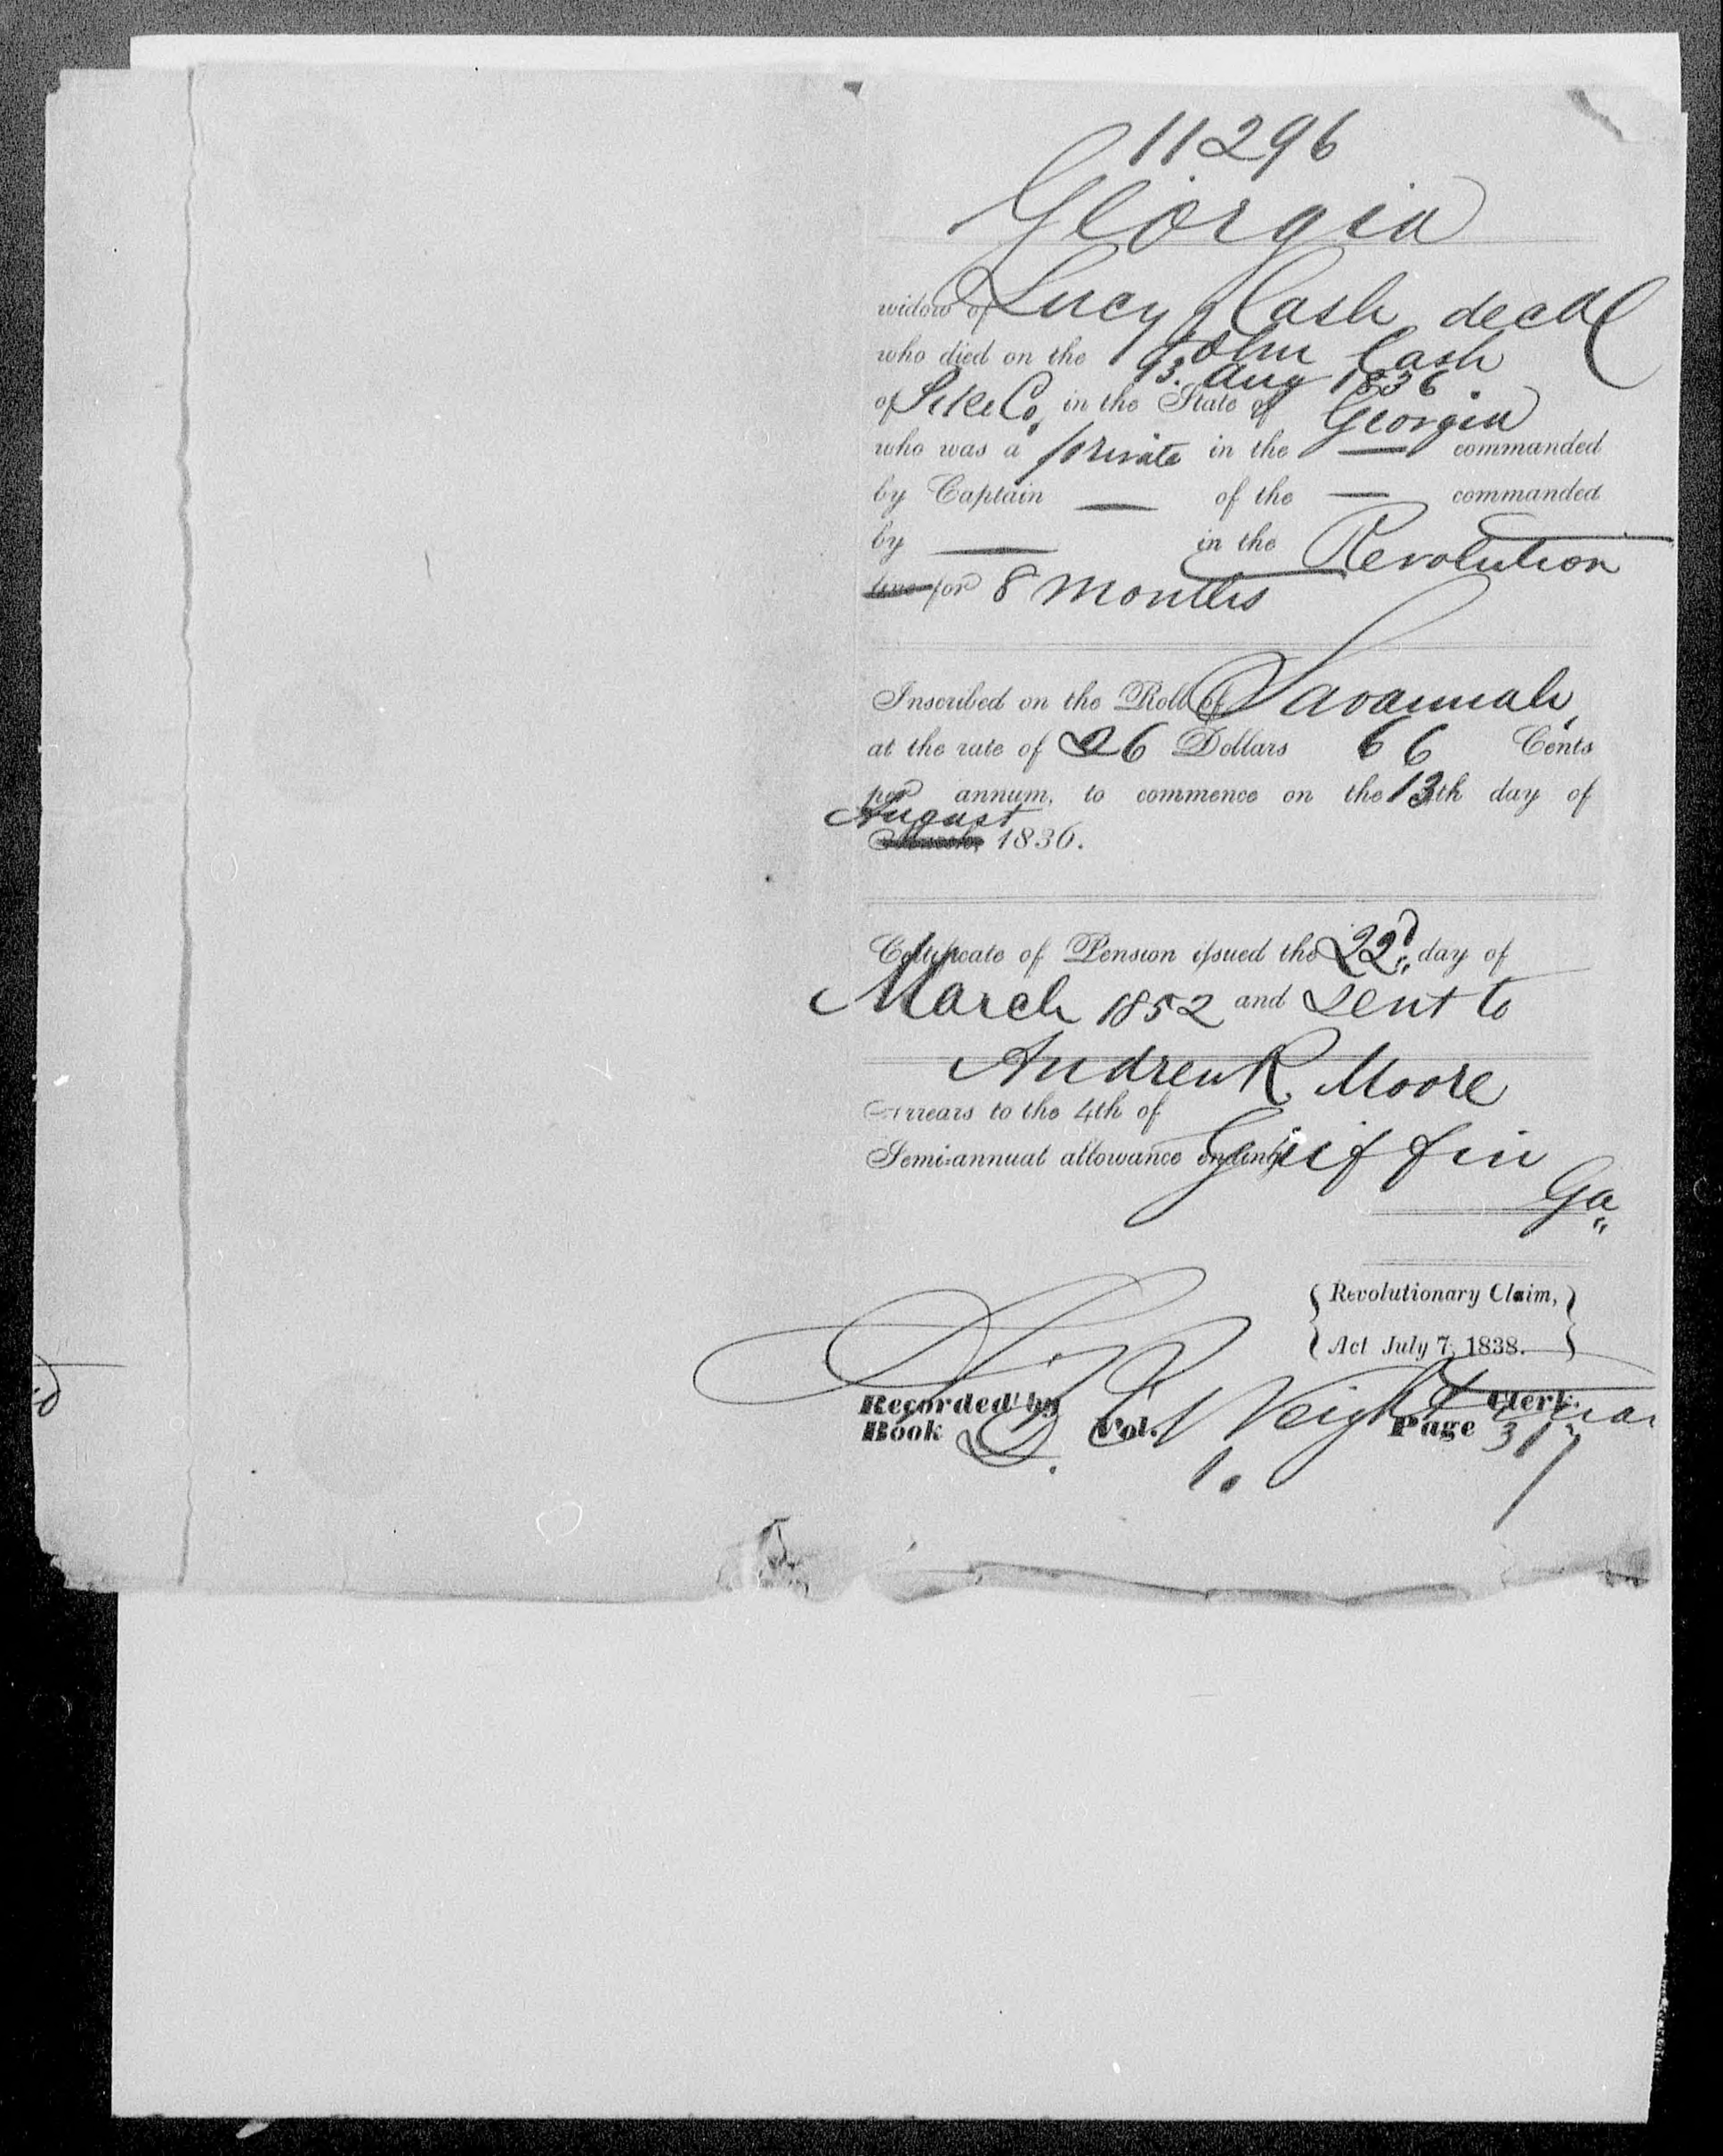11296
Georgia
widow, Lucy Cash decd, 3 Aug 1836, of John Cash who was a private in the State of Georgia
during the Revolution for 8 months.

Inscribed on the Roll Savannah
at the rate of 26 Dollars 66 Cents per annum, to commence on the 13th day of August.

Certificate of Pension issued the 22d day of March 1852 and sent to
Andrew Moore.
Griffin, Georgia

Revolutionary Claim
Act July7, 1838

H. R. Weightman
Book D  Vo; 1  page 317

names: Andrew R Moore, H R Weightmar, Lucy Cash, John Cash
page: 29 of 73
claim: widow's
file: W. 5,894, John Cash, Va.